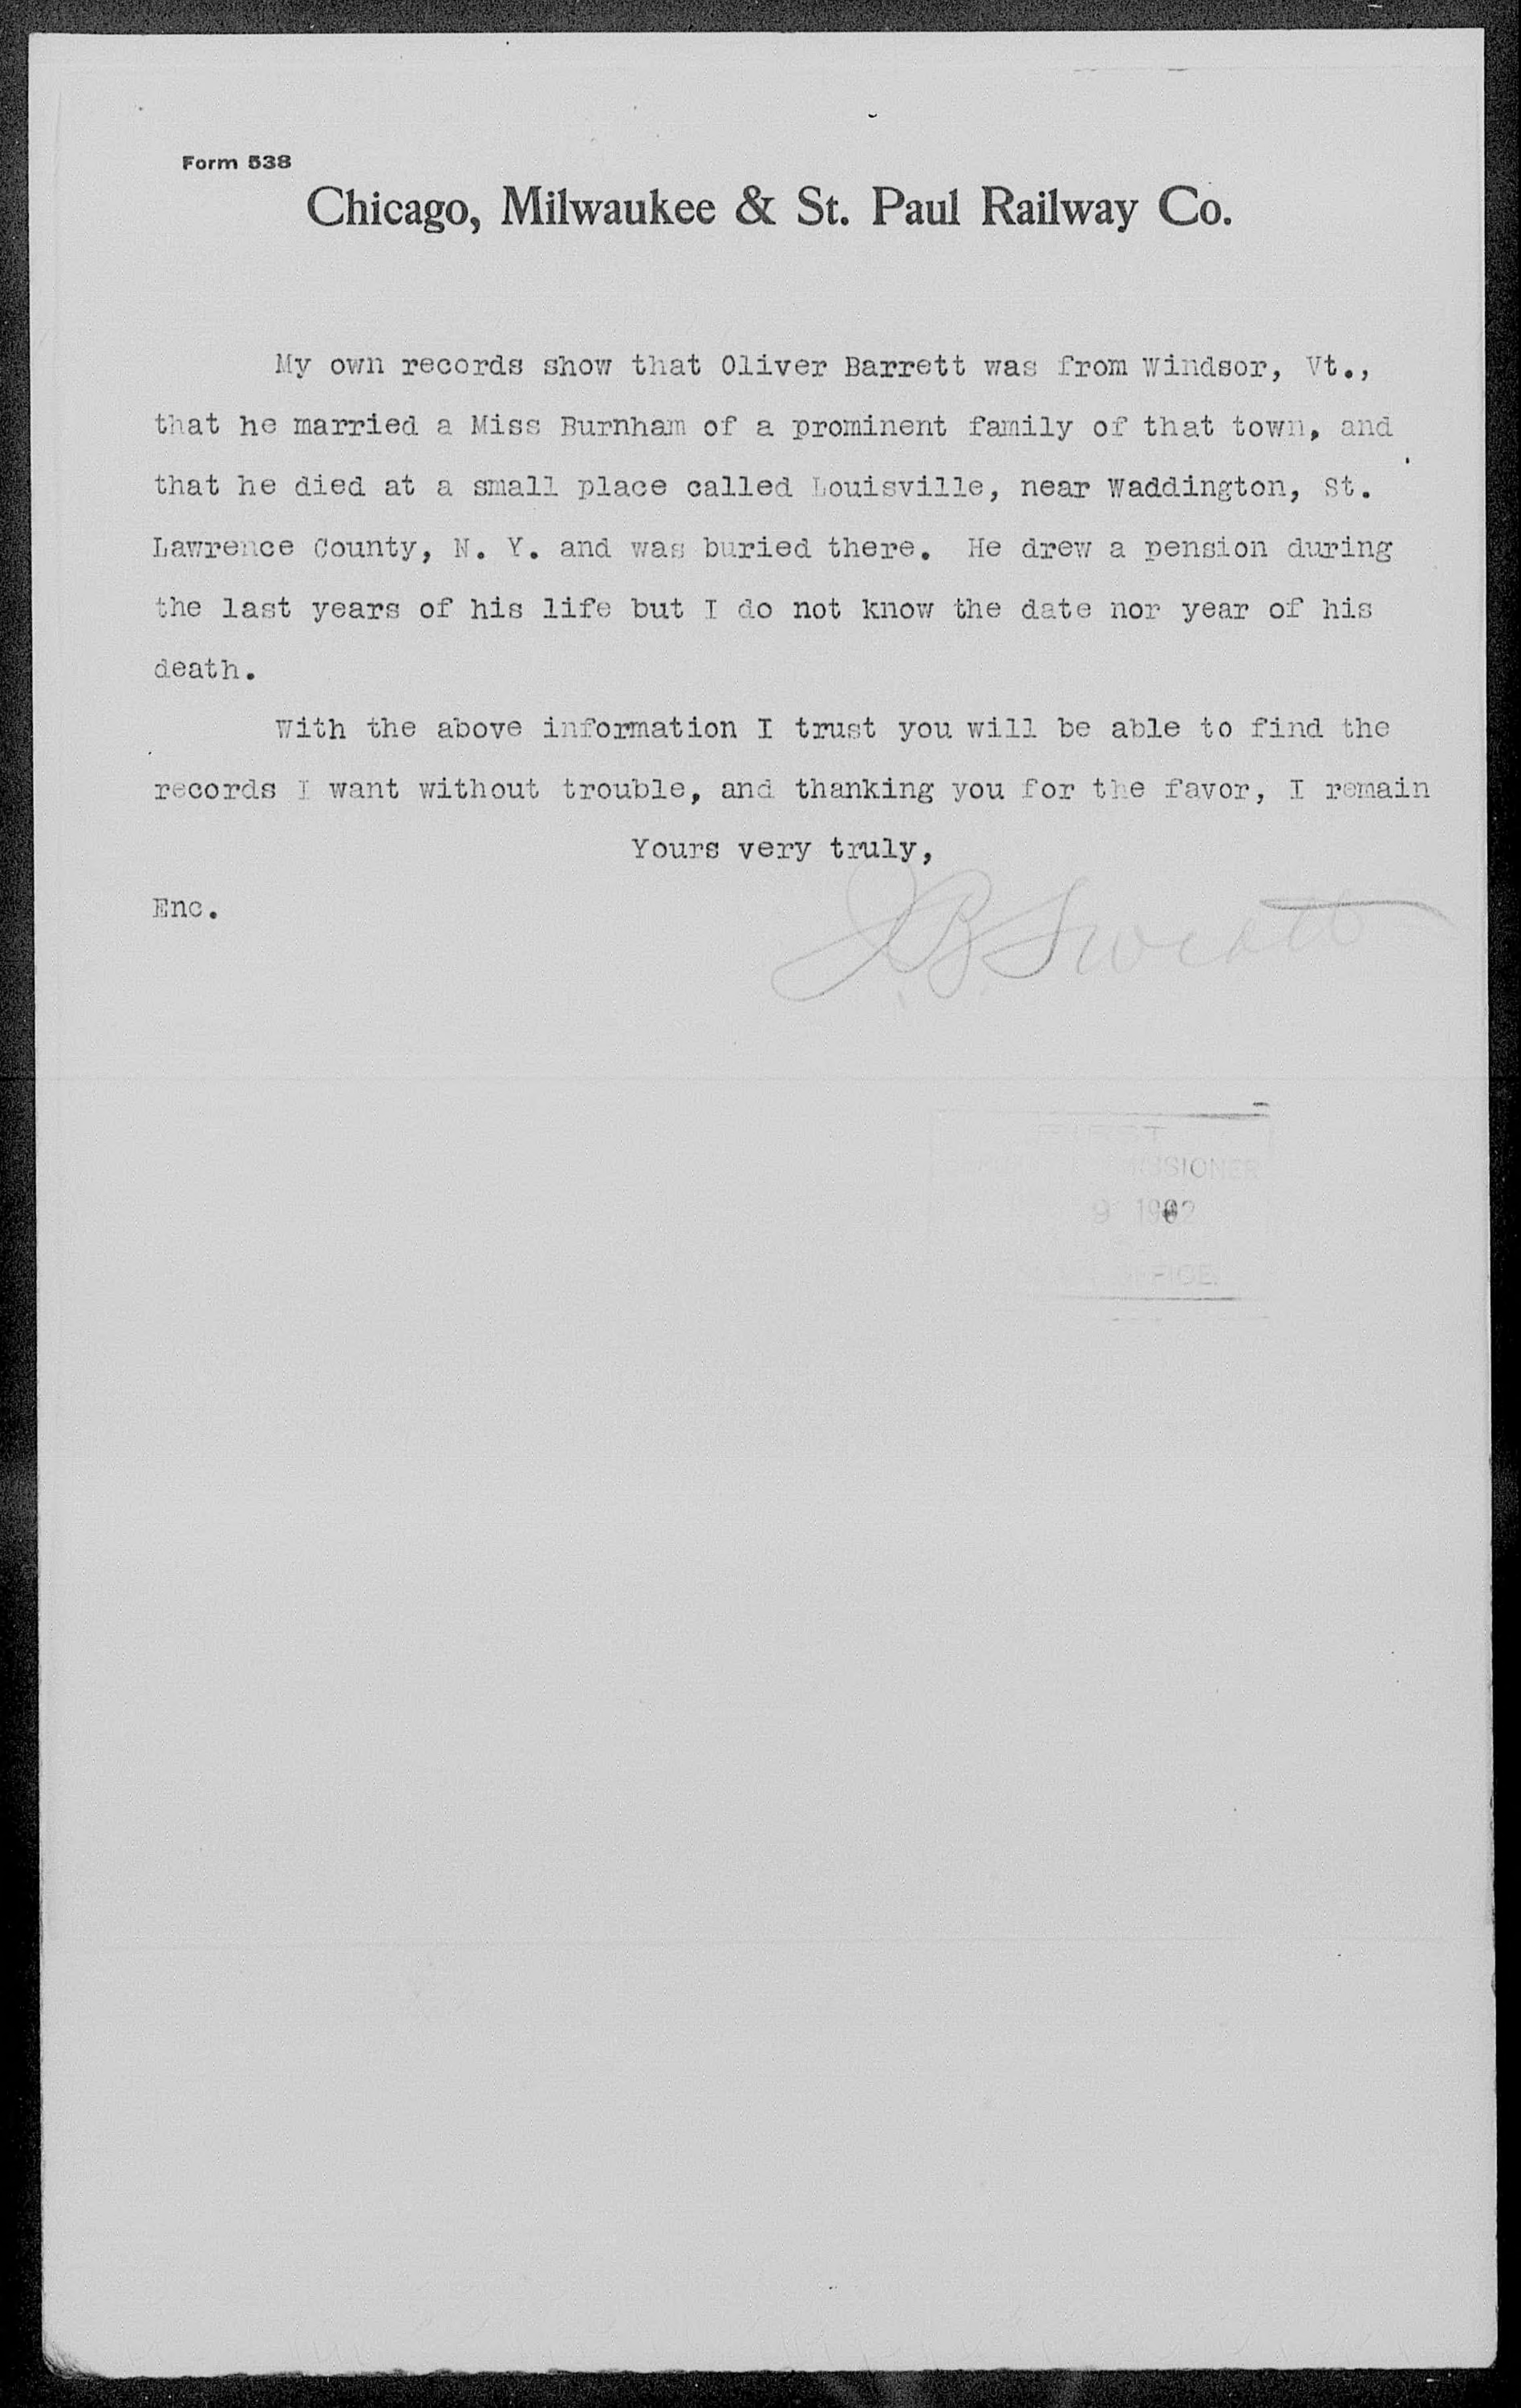Form 538

Chicago, Milwaukee & St. Paul Railway Co. 

My own records show that Oliver Barrett was from Windsor, VT., that he married a miss Burnham of a prominent family of that town, and that he died at a small place called Louisville, near Waddington, St. Lawrence County, N.Y. and was buried there. He drew a pension during the last years of his life but I do not know the date nor year of his death. 
With the above information I trust you will be able to find the records I want without trouble, and thanking you for the favor, I remain 
Yours very truly, 
J.B. Sweatt

Enc.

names: Burnham, Oliver Barrett, J B Sweatt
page: 75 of 83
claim: widow's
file: W. 10,384, Oliver Barrett, Continental (Vt.) N.Y.